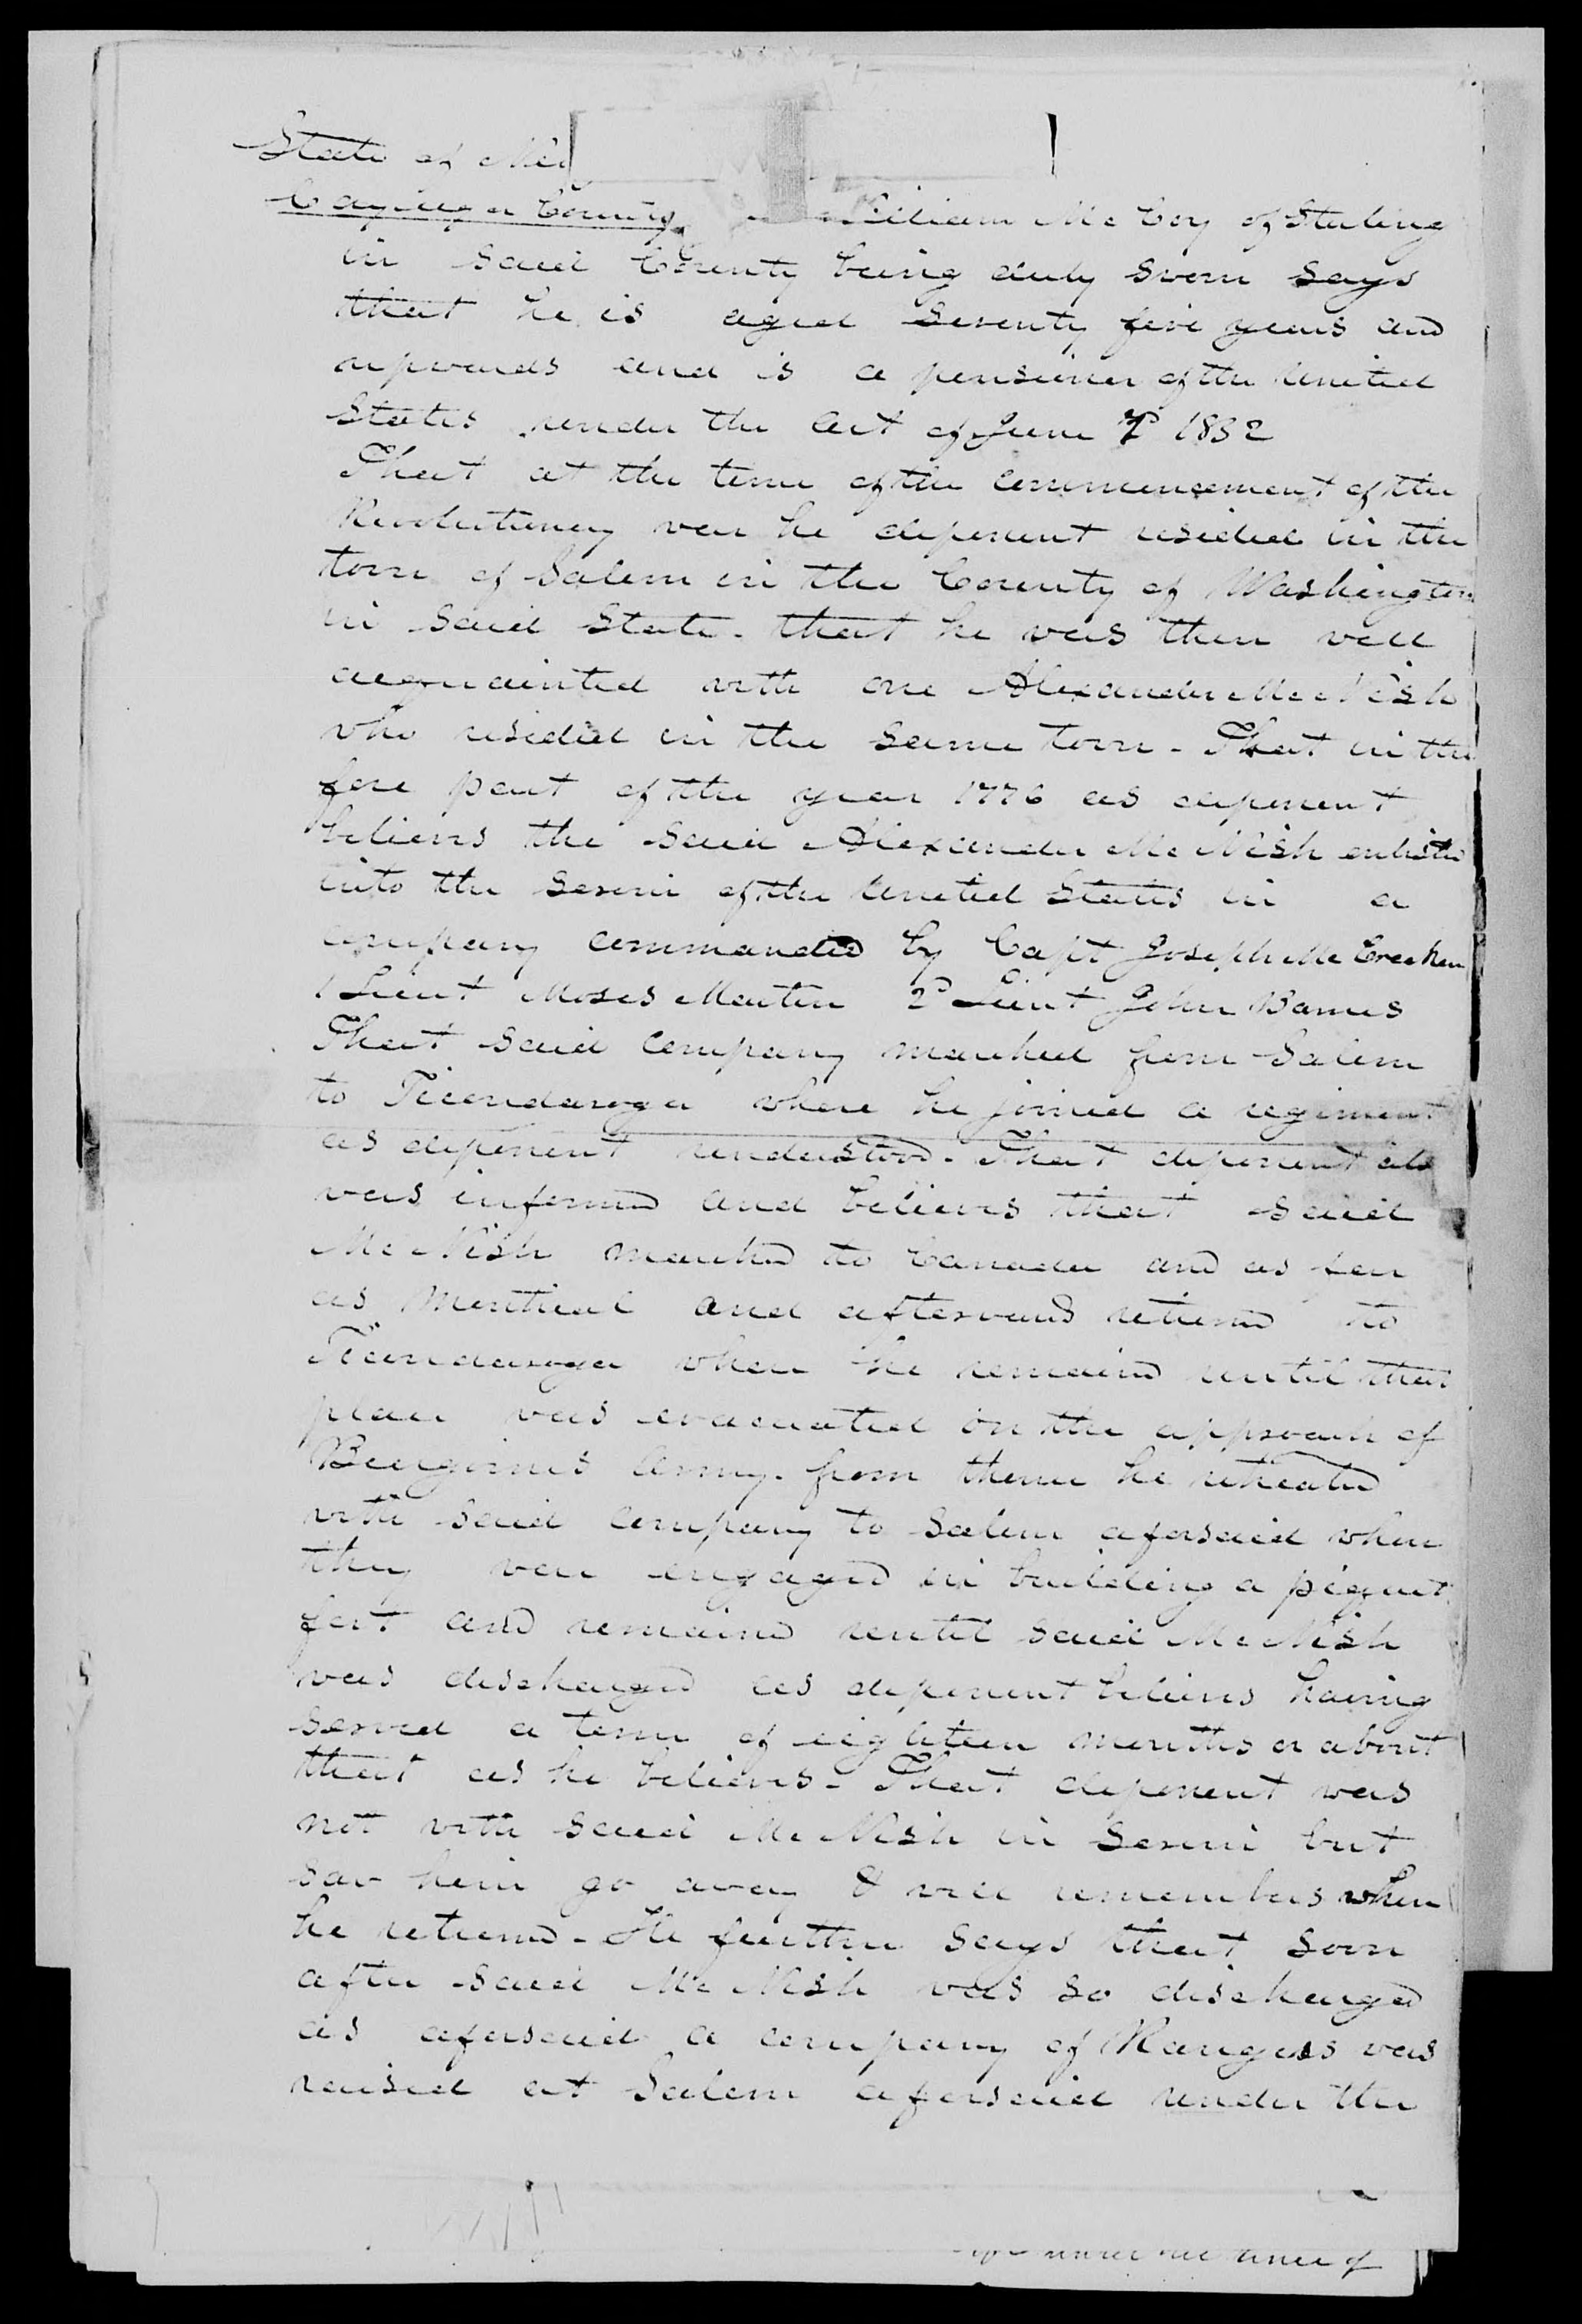State of New York
Cayuga County 
William McCoy of Sterling in said county being duly sworn says that he is aged seventy five years and upwards and is a pensioner of the United States under the Act of June 7 1832.
That at the time of commencement of the Revolutionary war he deponent resided in the town of Salem in the County of Washington in said state. That he was then well acquainted with one Alexander McNish who resided in the same town. That within fore part of the year 1776 as deponent believes the said Alexander McNish enlisted into the service of the United States in a company commanded by Capt. Joseph Creshan, Lieut. Moses Menten, 2d Lieut. John Bames to Ticonderoga where he joined a regiment as deponent understood. That deponent also was informed and believes that said McNish marched to Canada and as far as mentioned and afterwards retired to Ticonderoga where he remained until their place was evacuated in the approach of Burgoyne's army. From there he retreated with said company to Salem aforesaid where they were engaged in building a piquant fort nd remained until said McNish was discharged as deponent believes having served a term of eighteen months or about that as he believes. Then deponent was not with said McNish in service but saw him go away and well remembers when he returned. He further says that soon after said McNish was so discharged as aforesaid a company of Rangers was rendered at Salem aforesaid under the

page: 7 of 42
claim: widow's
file: W. 23,937 S. 28094, for Alexander Mc Nish, New York